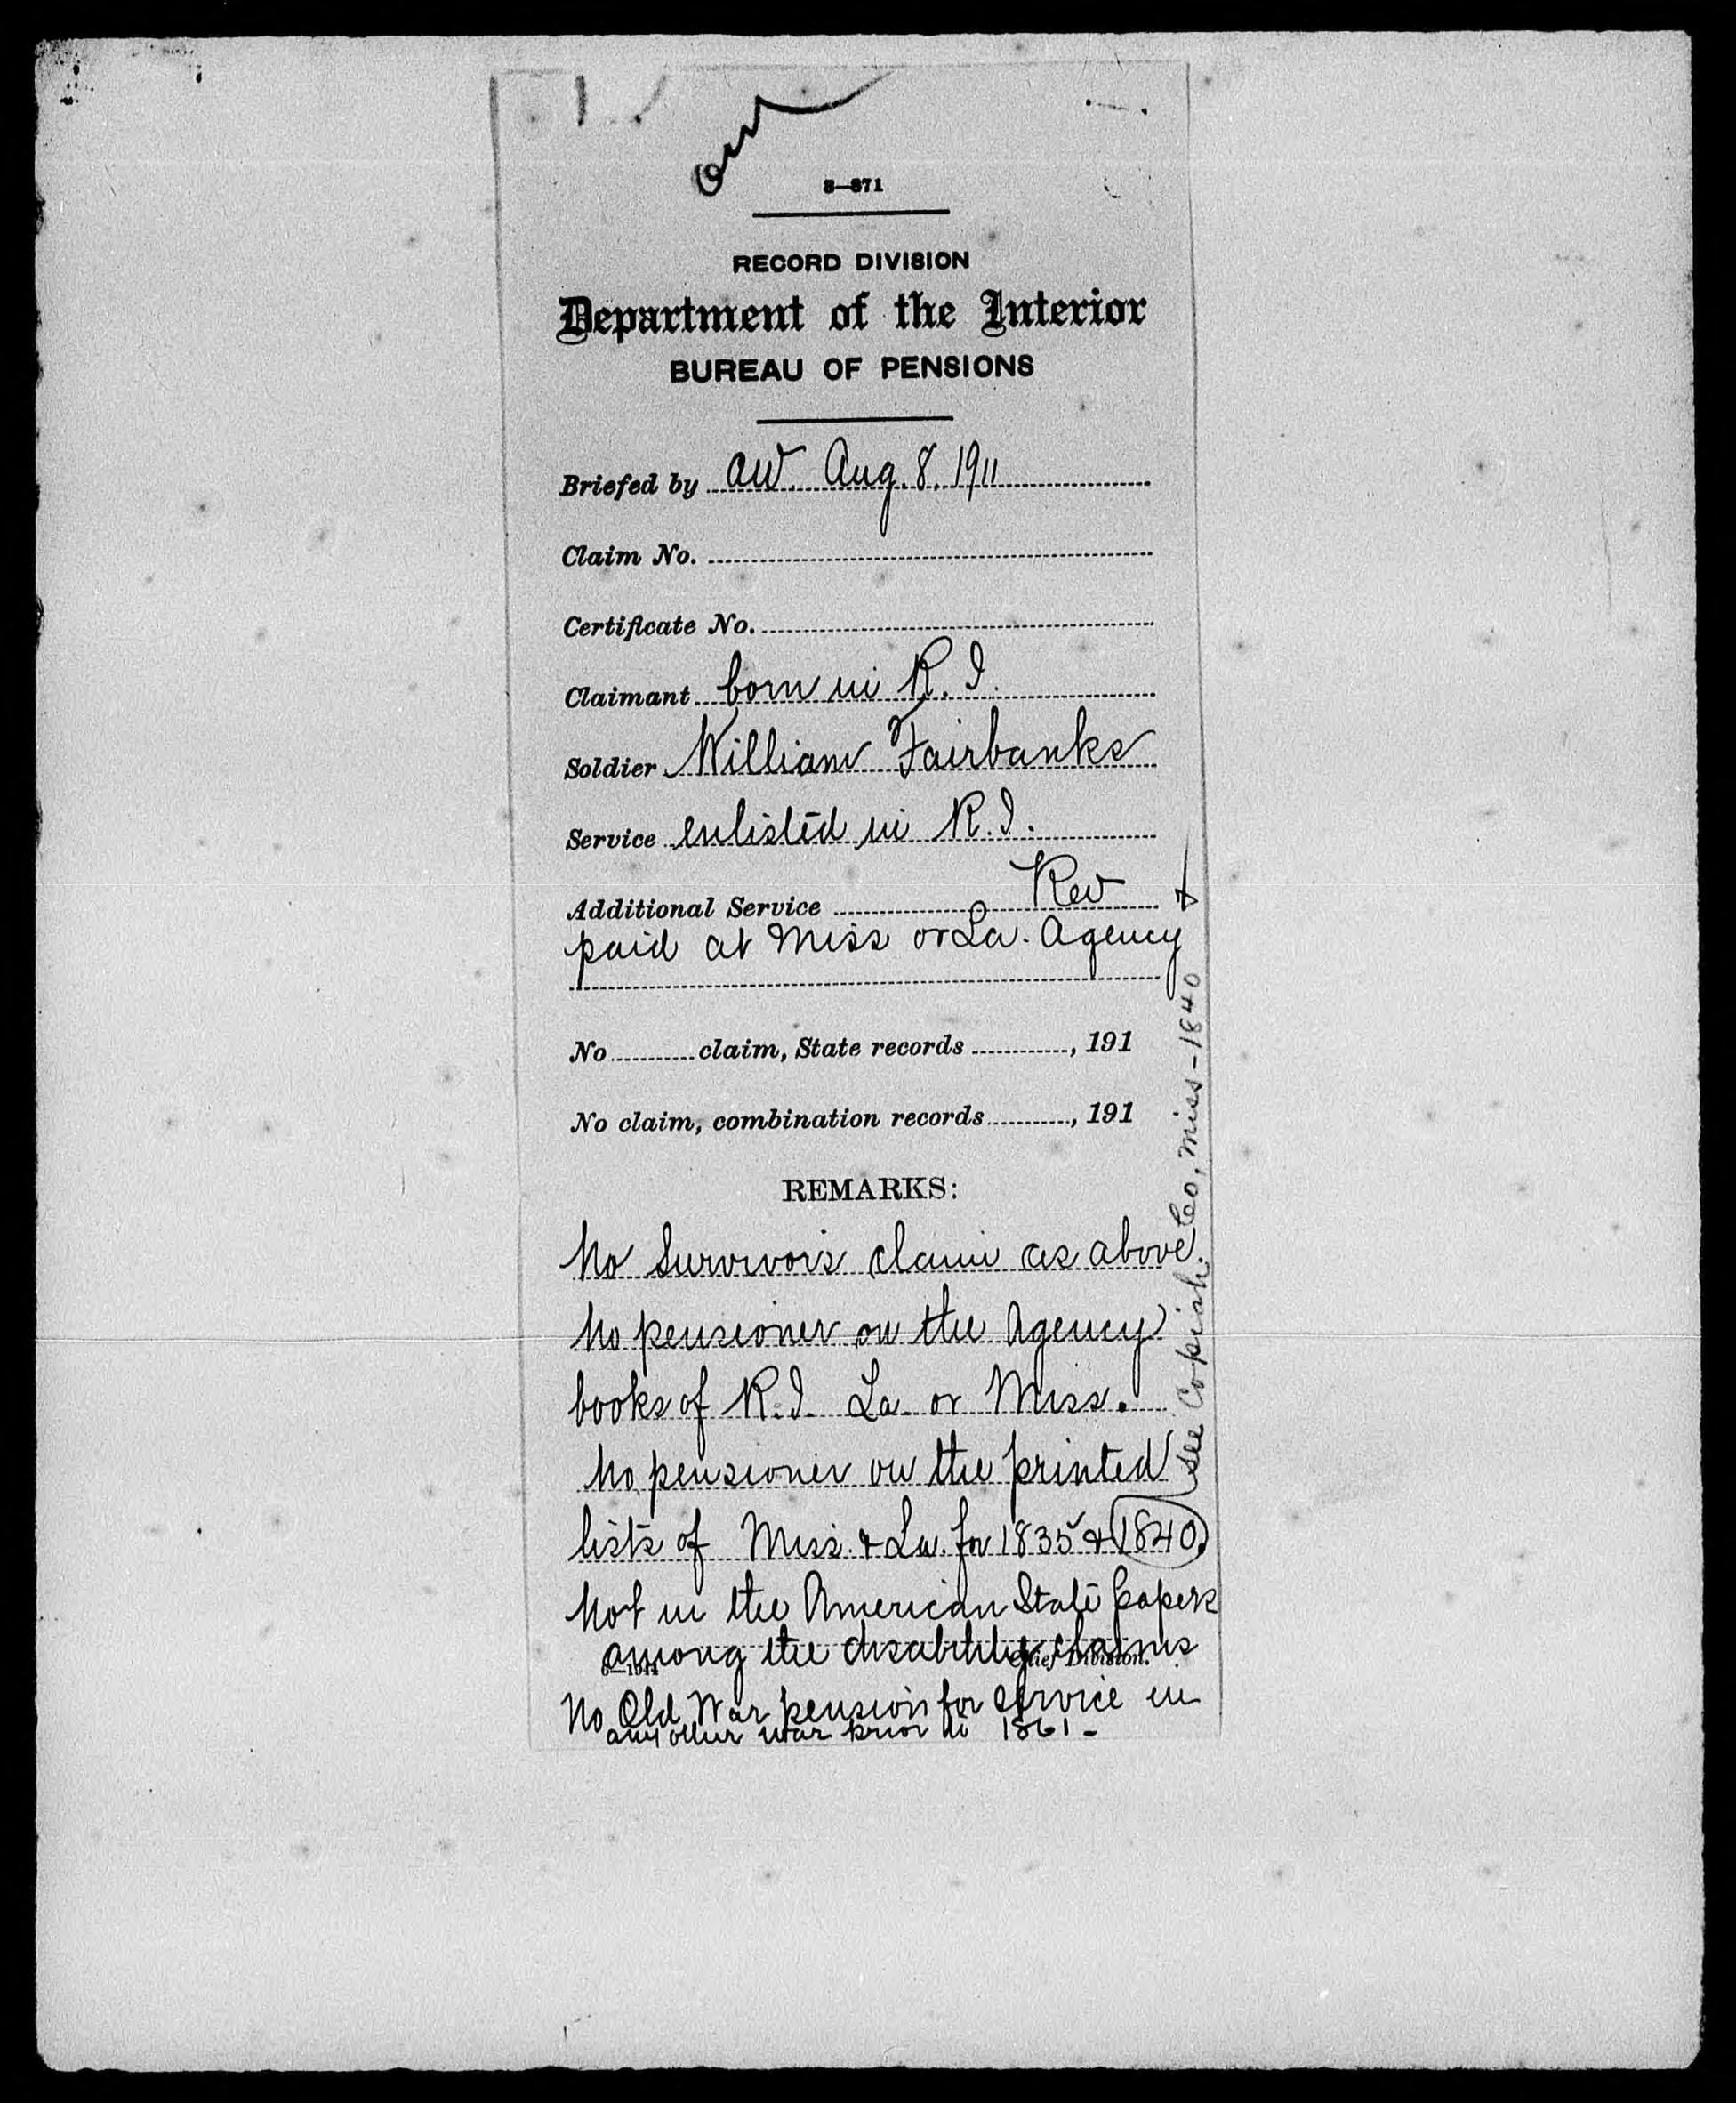8-871
RECORD DIVISION
Department of the Interior
BUREAU OF PENSIONS
Briefed by AW. Aug. 8, 1911
Claim No. [blank]
Certificate No. [blank]
Claimant born in R.I.
Soldier William Fairbanks
Service enlisted in R.I.
Additional Service Rev paid at Miss or La Agency
No [blank] claim, State records [blank], 191
No claim, combination records [blank], 191
REMARKS:
No Survivor's claim as above
No pensioner on the Agency books of R.I. La or Miss.
No pensioner on the printed lists of Miss & La for 1835 & 1840 see Copiah Co. Miss - 1840 [illegible mark]
Not in the American State papers among the disability claims
No Old War pension for service in any other war prior to 1861-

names: William Fairbanks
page: 13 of 17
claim: rejected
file: R. 3423, William Fairbanks, R.I.